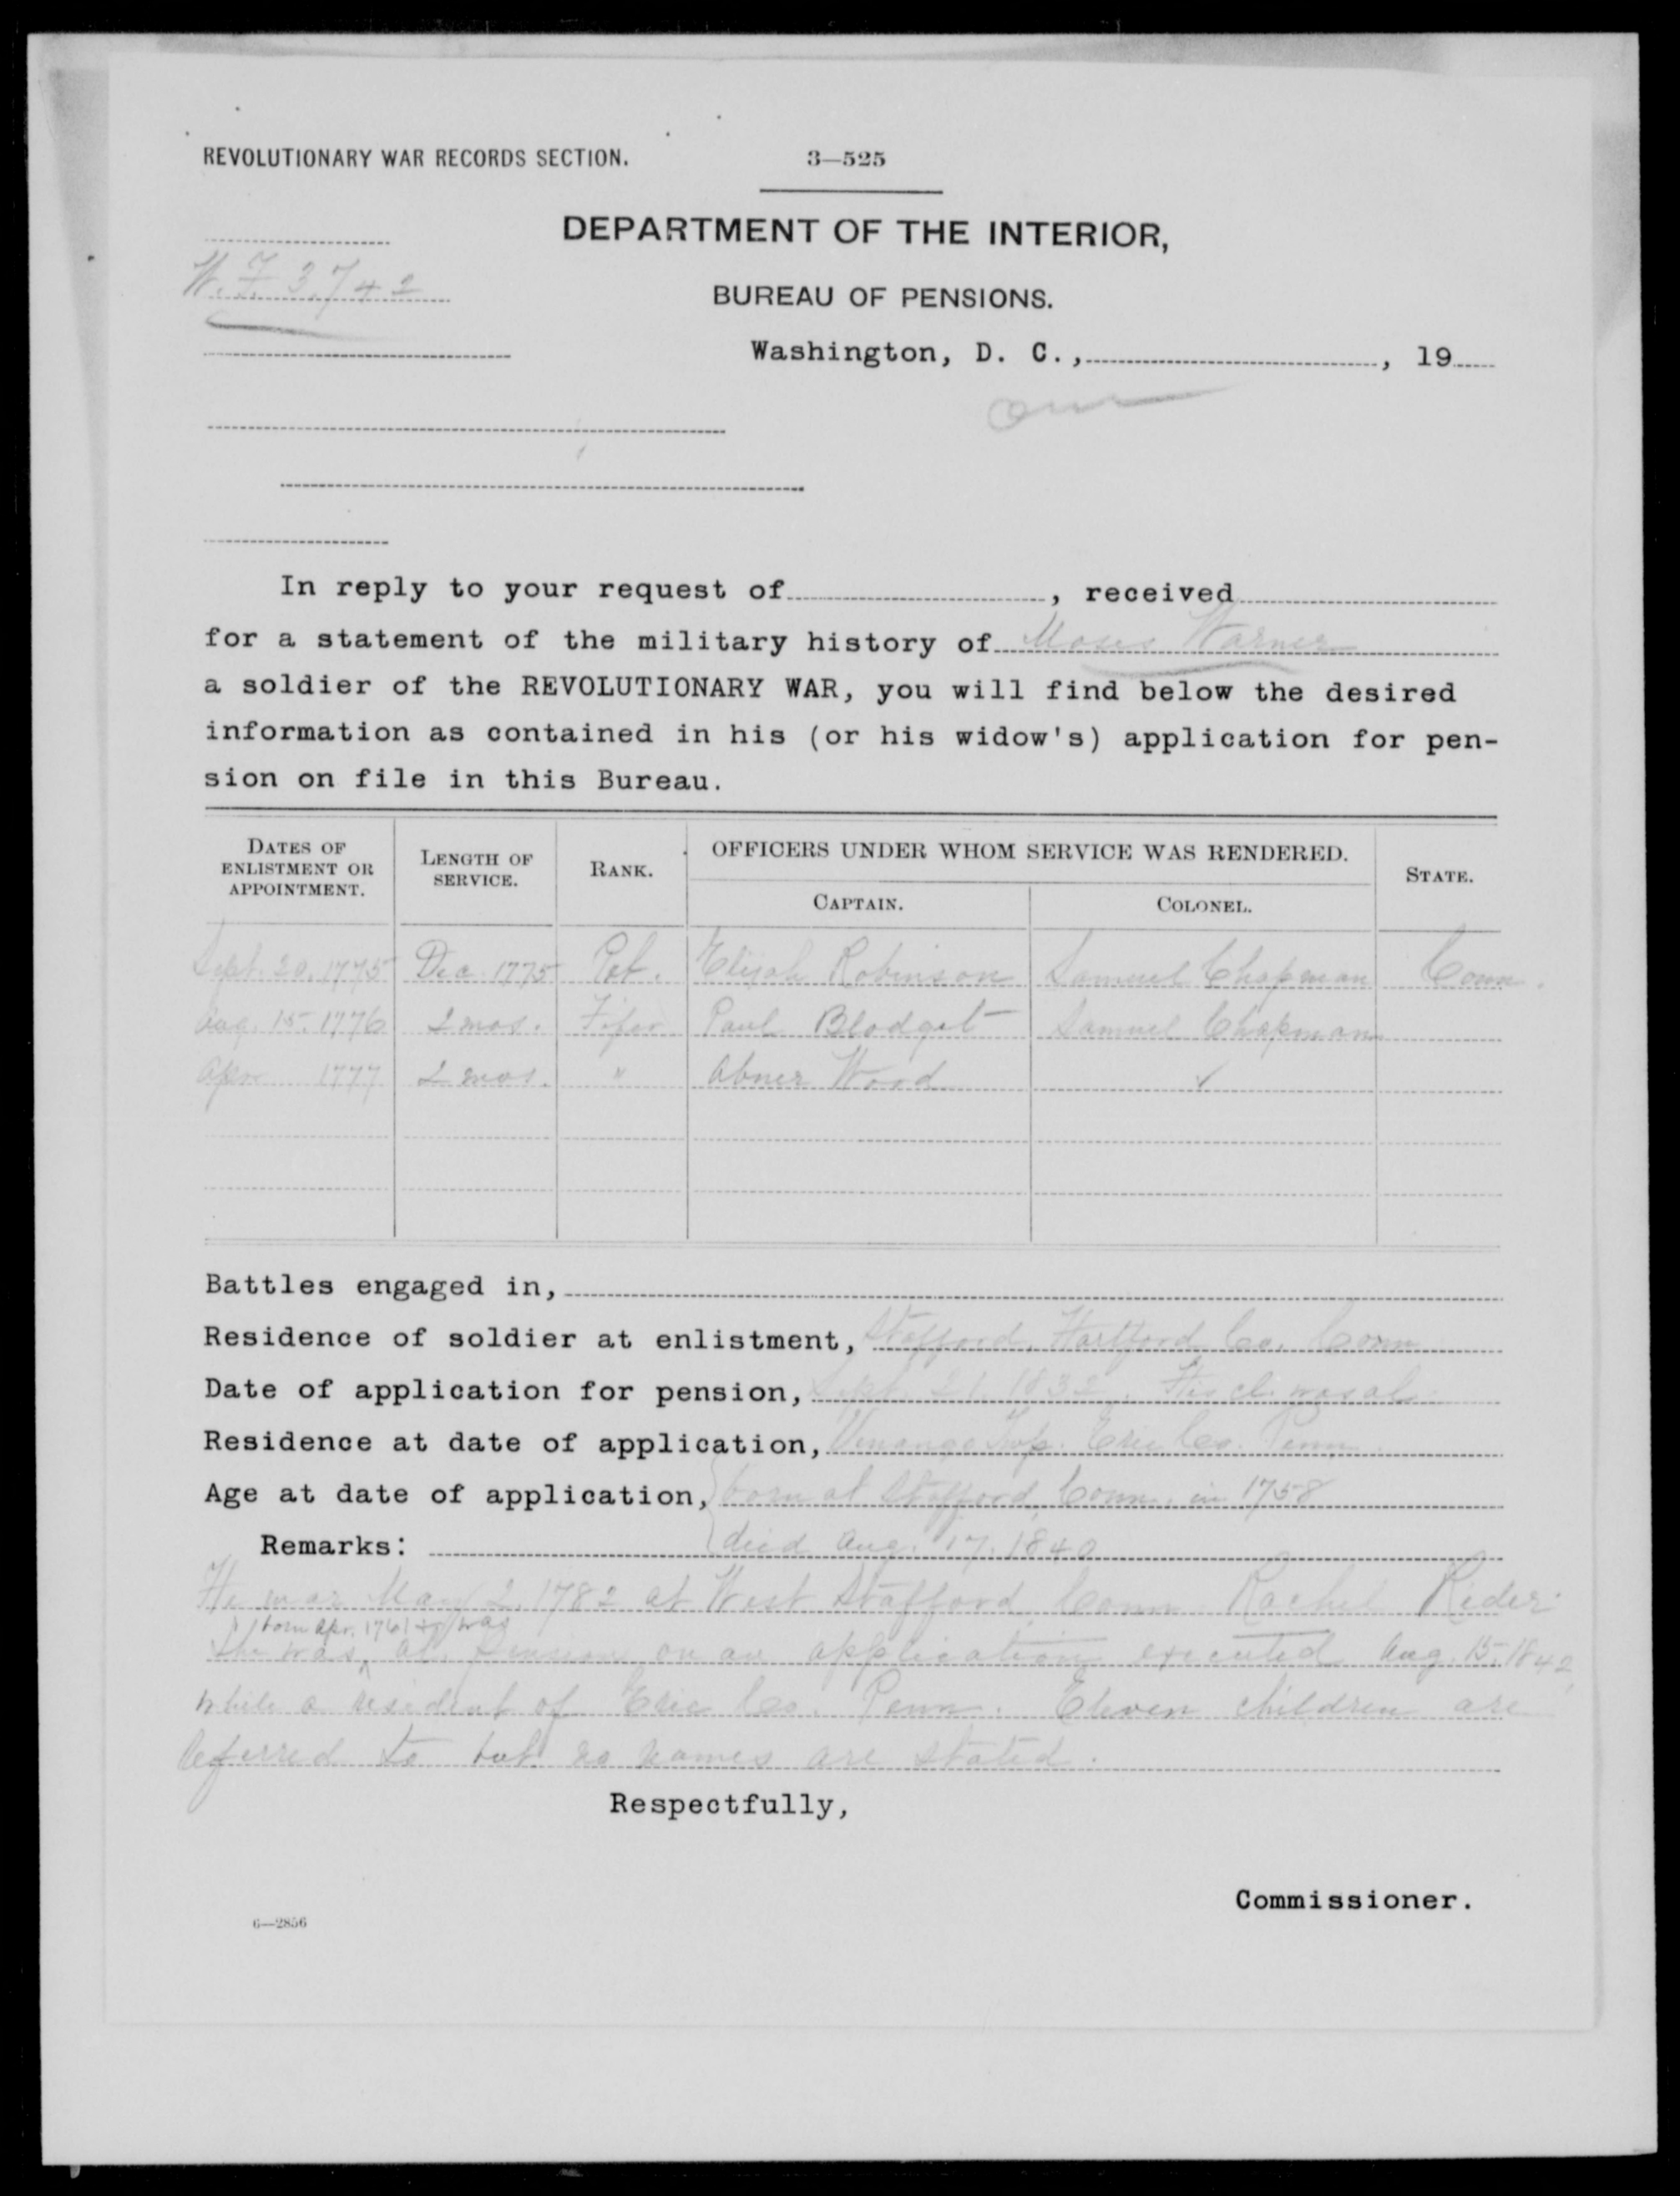REVOLUTIONARY WAR RECORDS SECTION.
3---525
---------
DEPARTMENT OF THE INTERIOR,
BUREAU OF PENSIONS.
Washington, D. C., _________________, 19__

W. F. 3,742

In reply to your request of ______________, received _______________ for a statement of the military history of Moses Warner a soldier of the REVOLUTIONARY WAR,  you will find below the desired information as contained in his (or his widow's) application for pension on file in this Bureau.
-----------------------------------------------------
DATES OF ENLISTMENT OR APPOINTMENT.
Sept 20, 1775
Aug 15, 1776
Apr  1777

LENGTH OF SERVICE.
Dec 1775
2 mos.
2 mos.

RANK.
Prt.
Fifer
Fifer

OFFICERS UNDER WHOM SERVICE WAS RENDERED. 
CAPTAIN.
Elijah Robinson
Paul Blodget
Abner Wood

COLONEL.
Samuel Chapman
Samuel Chapman
          "
STATE.
Conn.
-------------------------------------------------
Battles engaged in, ________________________

Residence of soldier at enlistment,  Stafford, Hartford Co. Conn.

Date of application for pension,  Sept 21, 1832, His cl. was al.

Residence at date of application,   Venango Tws. Erie Co. Penn.

Age at date of application,  {born at Stafford, Conn.  in 1758
{died Aug. 17, 1840

Remarks:  He was  May 2, 1782 at West Stafford Conn.  Rachel Rider.  She was born Apr 1761 & was at pension on an application executed Aug 15, 1842, while a resident of Erie Co. Penn.  Eleven children are referred to but no names are stated.

Respectfully,

6---2856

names: Moses Warner, Rachel Rider, Samuel Chapman, Paul Blodget, Elijah Robinson, Samuel Chapman, Abner Wood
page: 15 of 40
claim: widow's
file: W. 3742, Moses Warner, Conn.